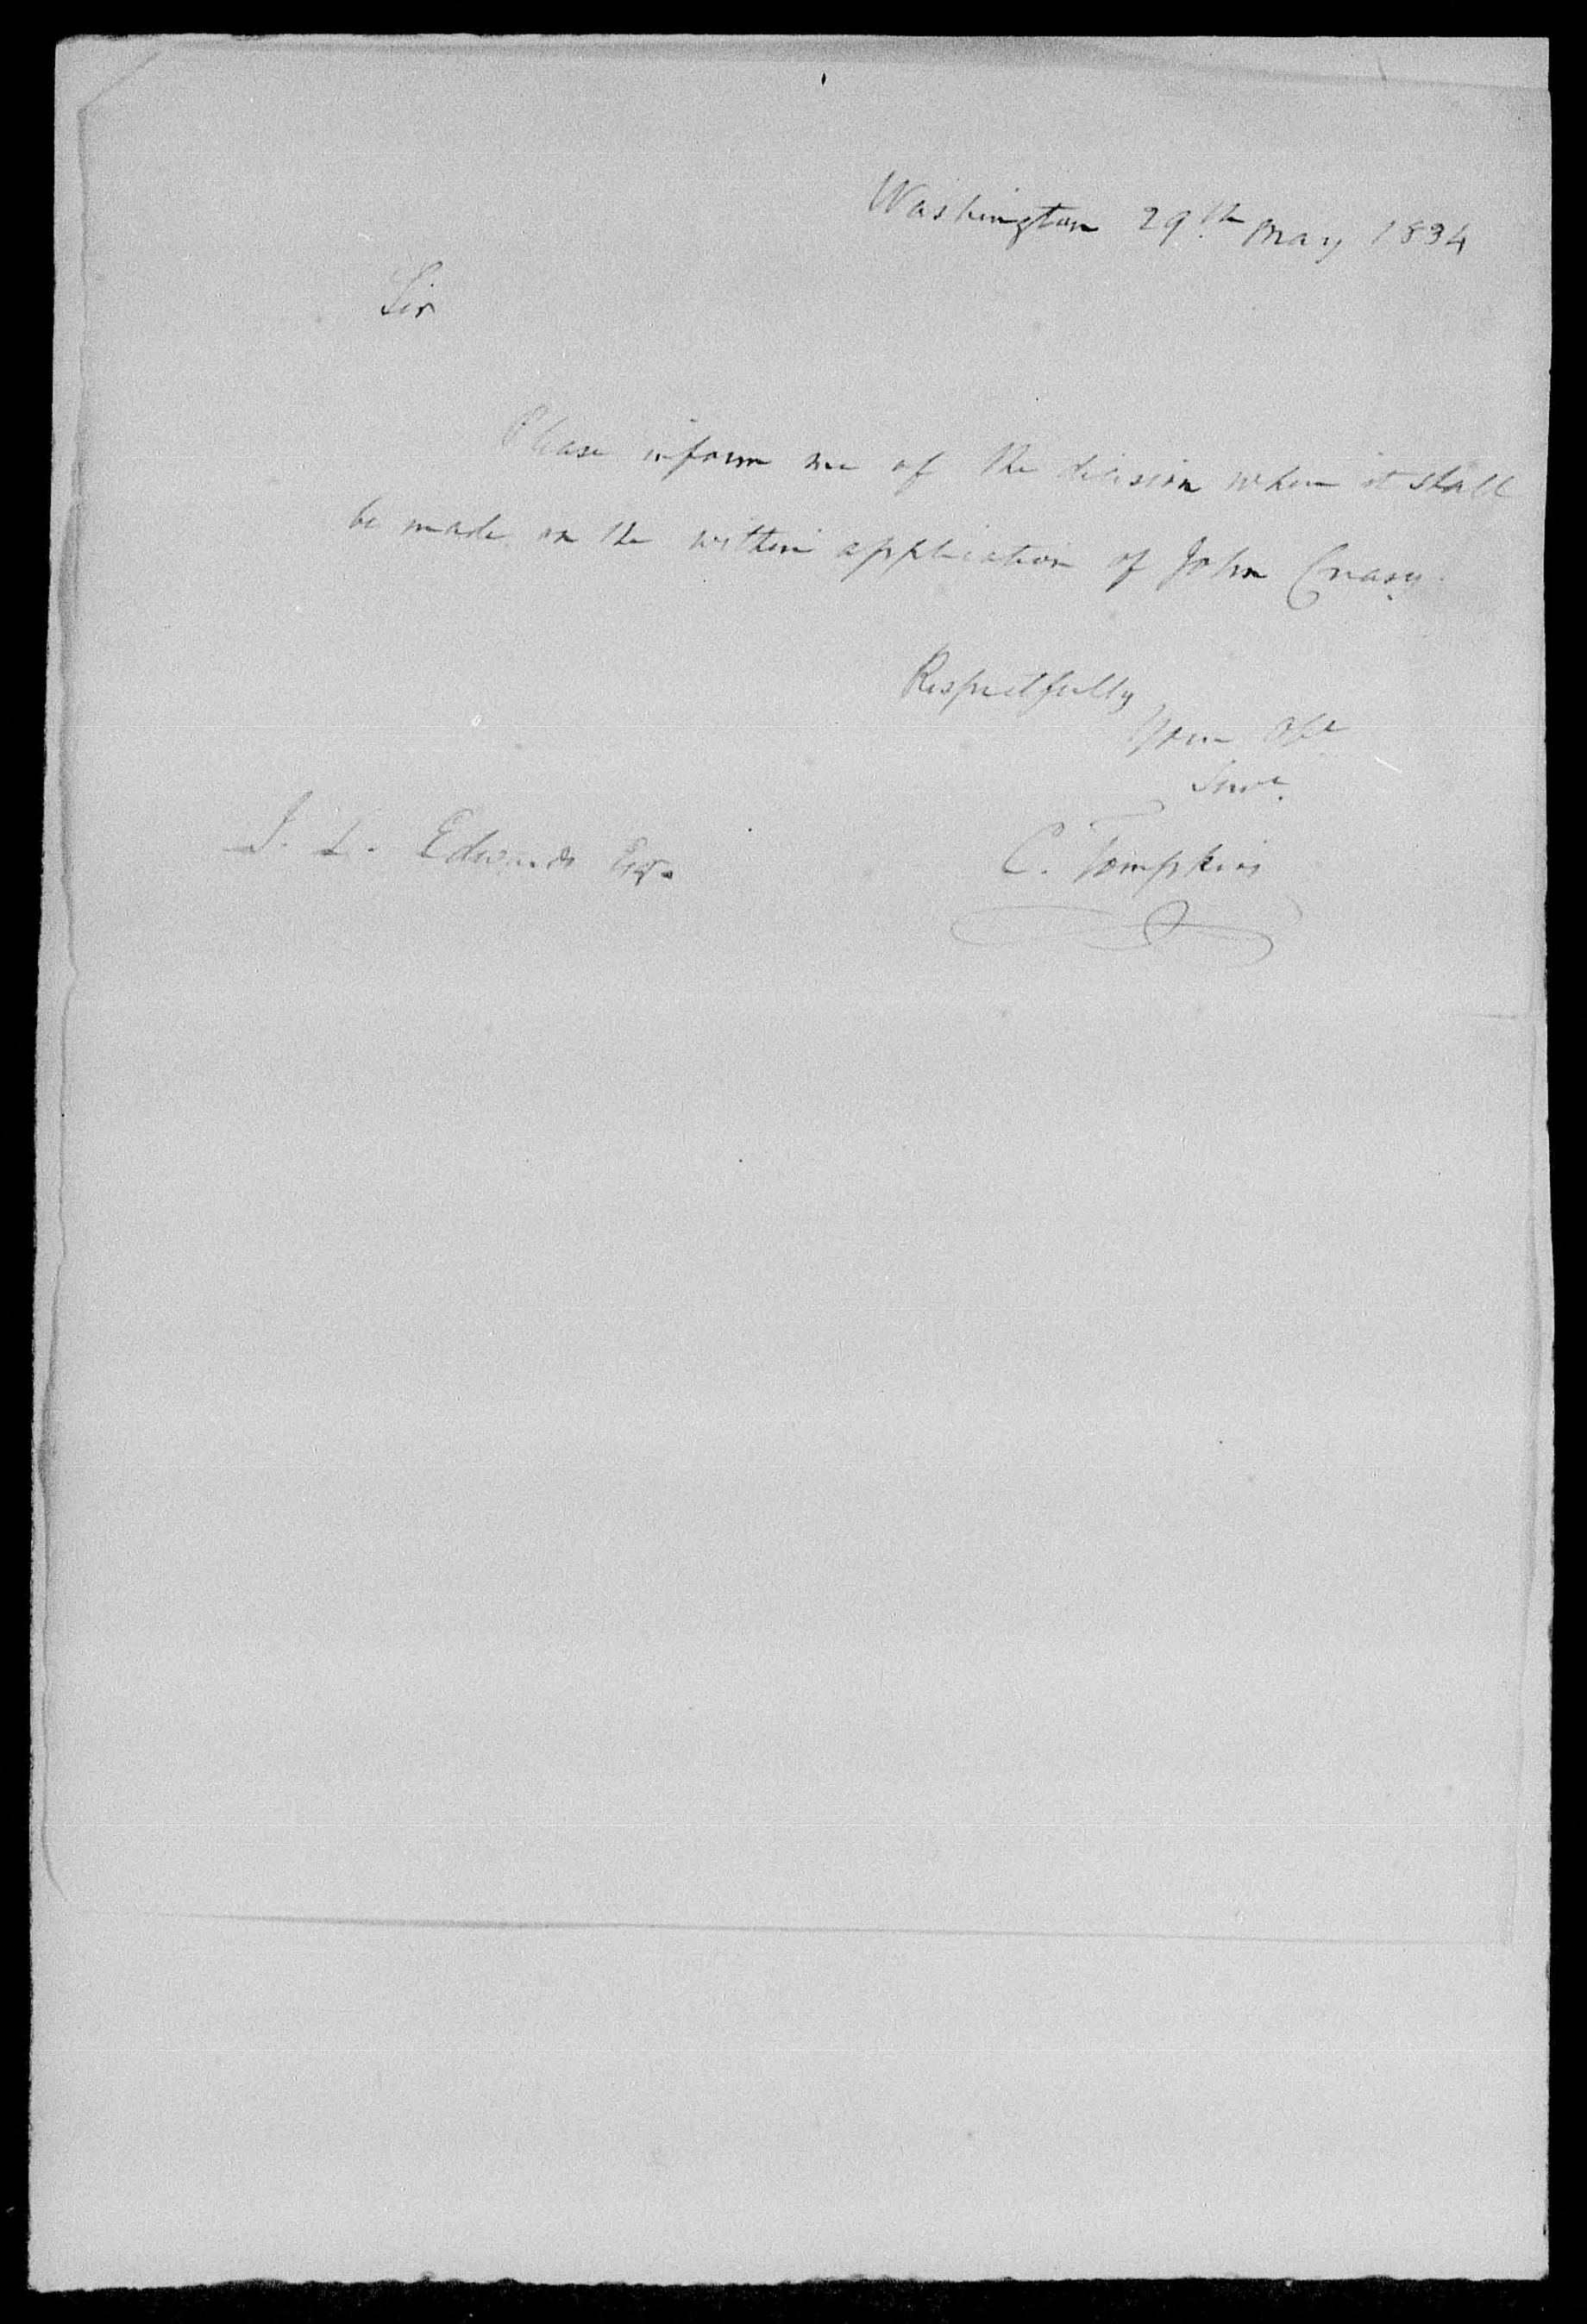Washington 29th May 1834

Sir
Please inform me of the decision when it shall
be made on the within application of John Creasey. 

Respectfully
Your Obt Servt.
C. Tompkins 

J. L. Edwards Esq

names: C Tompkins, J L Edwards, John Creasey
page: 14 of 16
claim: survivor's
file: S. 37,877, John Creasey, Va.